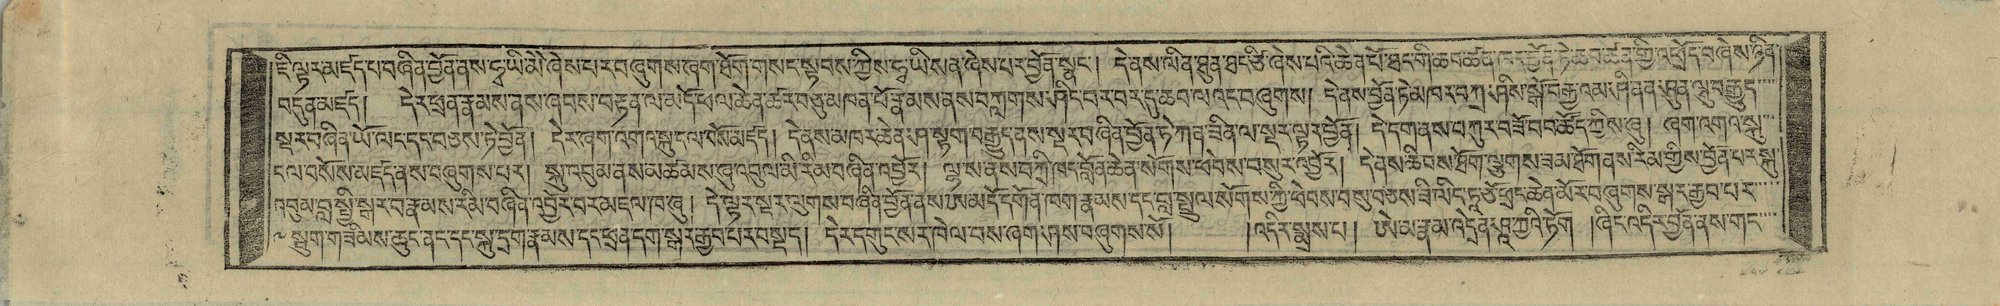ཇི་ལྟར་མཛད་པ་བཞིན་བྱོན་ནས་ཧྭ་ཡི་མཻ་ཞེས་པར་བཞུགས་ཞག་ཐོག་གསང་སྟབས་ཀྱིས་ཧྭ་ཡི་སན་ཞེས་པར་བྱོན་སྣང་། དེ་ནས་ལིན་ཐུན་ཐང་ཙི་ཞེས་པའི་ཆེན་པོ་ཐང་གི་ཆབ་ཚན་ཁར་བྱོར་ཏེ་ཆབ་ཚན་གྱི་འཕྲོད་བཞེས་ཉིན་
བདུན་མཛད། དེར་ཕྲན་རྣམས་ནས་ཞབས་བརྟན་ལ་མདོ་ཕལ་ཆེན་ཚར་བཅུ་མཁན་པོ་རྣམས་ནས་བཀླགས་ཤིང་བར་བར་དུ་ཆབ་ལའང་བཞུགས། དེ་ནས་བྱོན་ཏེ་མཁར་བཀྲ་ཤིས་སྒོ་བརྒྱ་འམ་ཤི་ནན་ཤུན་ཝུ་བརྒྱུད་
སྔར་བཞིན་ཡོ་ལང་དང་བཅས་ཏེ་བྱོན། དེར་ཞག་འགའ་སྐུ་ངལ་བོས་མཛད། དེ་ནས་མཁར་ཆེན་ཤ་སྟག་བརྒྱུད་ནས་སྔར་བཞིན་བྱོན་ཏེ་ཀན་ཟིན་ལ་སྔར་ལྟར་བྱོན། དེ་དག་ནས་བཀུར་བཟོ་བབ་ཚོད་ཀྱིས་ཞུ། ཞག་འགའ་སྐུ་
ངལ་བསོས་མཛད་ནས་བཞུགས་པར། སྐུ་འབུམ་ནས་མཚམས་ཞུ་འབུལ་མི་རིམ་བཞིན་འབྱོར། ལྷ་ས་ནས་བཀྲི་ཁང་བློན་ཆེན་སོགས་ཕེབས་བསུར་འབྱོར། དེ་ནས་ཆིབས་ཐོག་ལྕགས་ཟམ་ཐོག་ནས་རིམ་གྱིས་བྱོན་པར་སྐུ་
འབུམ་བླ་སྤྱི་སྒར་བ་རྣམས་རིམ་བཞིན་འབྱོར་བར་མཇལ་ཁ་ཞུ། དེ་ལྟར་སྔར་ལུགས་བཞིན་བྱོན་ནས་ཨ་མདོ་དགོན་ཁག་རྣམས་དང་བླ་སྤྲུལ་སོགས་ཀྱི་ཕེབས་བསུ་བཅས་ཟི་ལིང་ཏཱ་ཅོ་ཕྲང་ཆེན་མོར་བཞུགས་སྒར་རྒྱབ་པར་
༧སྦུག་གཟིམས་ཆུང་ནང་དང་སྐུ་དྲག་རྣམས་དང་ཕྲན་དག་སྒར་རྒྱབ་པར་བསྡད། དེར་དགུང་སར་ཁྲེལ་བས་ཞག་ཤས་བཞུགས་སོ། ། འདིར་སྨྲས་པ། ཨེ་མ་རྣམ་འདྲེན་ཤཱཀྱའི་ཏོག །ཞིང་འདིར་བྱོན་ནས་གང་